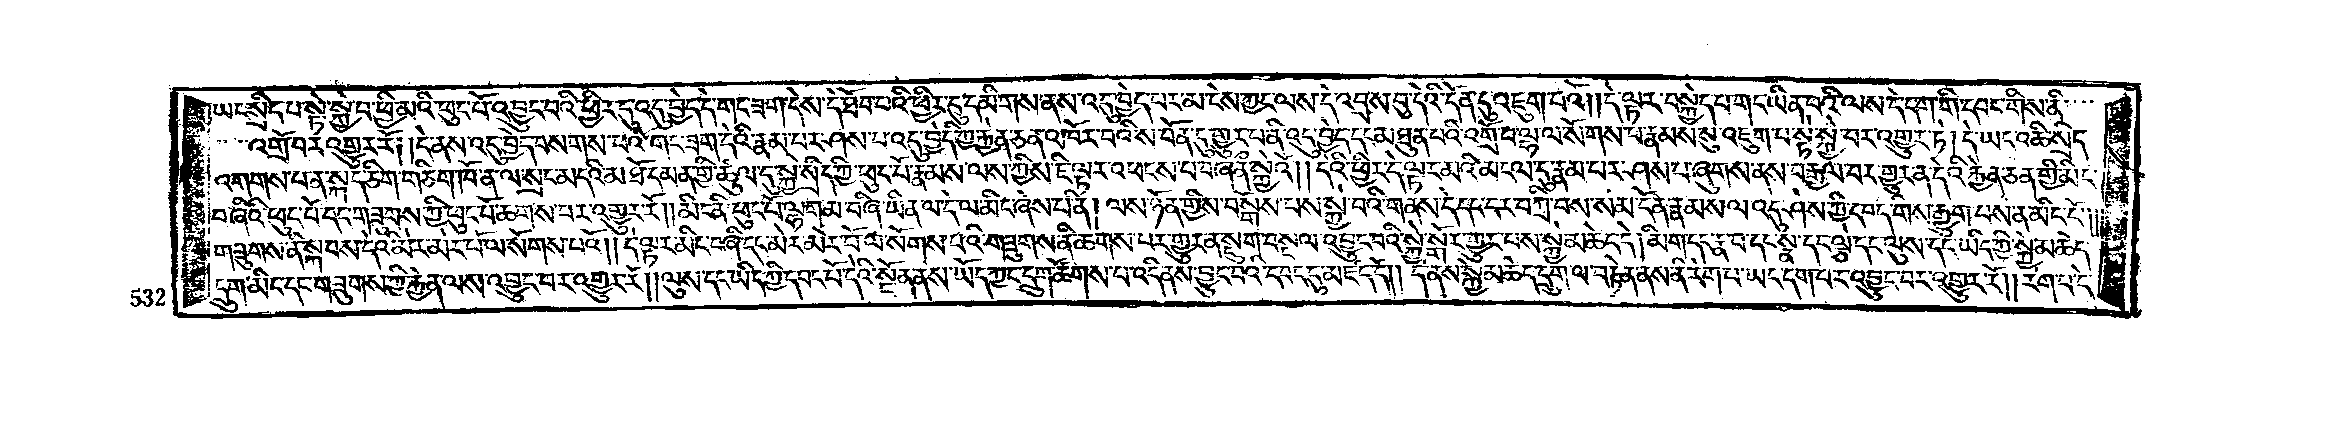ཡང་སྲིད་པ་སྟེ་སྐྱེ་བ་ཕྱི་མའི་ཕུང་པོ་འབྱུང་བའི་ཕྱིར་དུ་འདུ་བྱེད་དེ་གང་ཟག་དེས་དེ་ཐོབ་པའི་ཕྱིར་དུ་དམིགས་ནས་འདུ་བྱེད་པར་མ་ངེས་ཀྱང་ལས་དེ་འབྲས་བུ་དེའི་དོན་དུ་འཇུག་པའོ། །དེ་ལྟར་བསྐྱེད་པ་གང་ཡིན་པའི་ལས་དེ་དག་གི་དབང་གིས་ནི་
འགྲོ་བར་འགྱུར་རོ། །དེ་ནས་འདུ་བྱེད་བསགས་པའི་གང་ཟག་དེའི་རྣམ་པར་ཤེས་པ་འདུ་བྱེད་ཀྱི་རྐྱེན་ཅན་འཁོར་བའི་ས་བོན་དུ་གྱུར་བ་ནི་འདུ་བྱེད་དང་མཐུན་པའི་འགྲོ་བ་ལྷ་ལ་སོགས་པ་རྣམས་སུ་འཇུག་པ་སྟེ་སྐྱེ་བར་འགྱུར་ཏེ། དེ་ཡང་འཆི་སྲིད་
འགགས་པ་ན་སྐད་ཅིག་གཅིག་ཁོ་ན་ལ་སྲང་མདའི་མཐོ་དམན་གྱི་ཚུལ་དུ་སྐྱེ་སྲིད་ཀྱི་ཕུང་པོ་རྣམས་ལས་ཀྱིས་ཇི་ལྟར་འཕངས་པ་བཞྀན་སྐྱེའོ། །དེའི་ཕྱིར་དེ་ལྟར་མའི་མངལ་དུ་རྣམ་པར་ཤེས་པ་ཞུགས་ནས་བརྒྱལ་བར་གྱུར་ན་དེའི་རྐྱེན་ཅན་གྱི་མིང་
བཞིའི་ཕུང་པོ་དང་གཟུགས་ཀྱི་ཕུང་པོ་ཆགས་པར་འགྱུར་ར། །མིང་ནི་ཕུང་པོ་ལྷག་མ་བཞི་ཡིན་ལ་དེ་ལ་མིང་ཞེས་པ་ནི། ལས་ཉོན་གྱིས་བསྒོས་པས་སྐྱེ་བའི་གནས་དེ་དང་དར་བཀྲི་བས་སམ་དོན་རྣམས་ལ་འདུ་ཤེས་ཀྱི་དབང་གིས་རྒྱུག་པས་ན་མིང་ངོ།།
གཟུགས་ནི་སྐབས་དེའི་མེར་མེར་པོ་ལ་སོགས་པའོ། །དེ་ལྟར་མིང་བཞི་དང་མེར་མེར་པོ་ལ་སོགས་པའི་གཟུགས་ནི་ཆགས་པར་གྱུར་ན་སྡུག་བསྔལ་འབྱུང་བའི་སྐྱེ་སྒོར་གྱུར་པས་སྐྱེ་མཆེད་དེ། མིག་དང་རྣ་བ་དག་སྣ་དང་སེ་དང་ལུས་དང་ཡིད་ཀྱི་སྐྱེ་མཚན་
དྲུག་མིང་དང་གཟུགས་ཀྱི་རྐྱེན་ལས་འབྱུང་བར་འགྱུར་རོ། །ལུས་དང་ཡིད་ཀྱི་དབང་པོ་དེའི་སྔོན་ནས་ཡོད་ཀྱང་དྲུག་ཚོགས་པ་འདི་ནས་བྱུང་བའི་དབང་དུ་མཛད་དོ། །དེ་ནས་སྐྱེ་མཆེད་དྲུག་ལ་བརྟེན་ནས་ནི་རེག་པ་ཡང་དག་པར་འབྱུང་བར་འགྱུར་རོ། །རེག་པ་དེ་